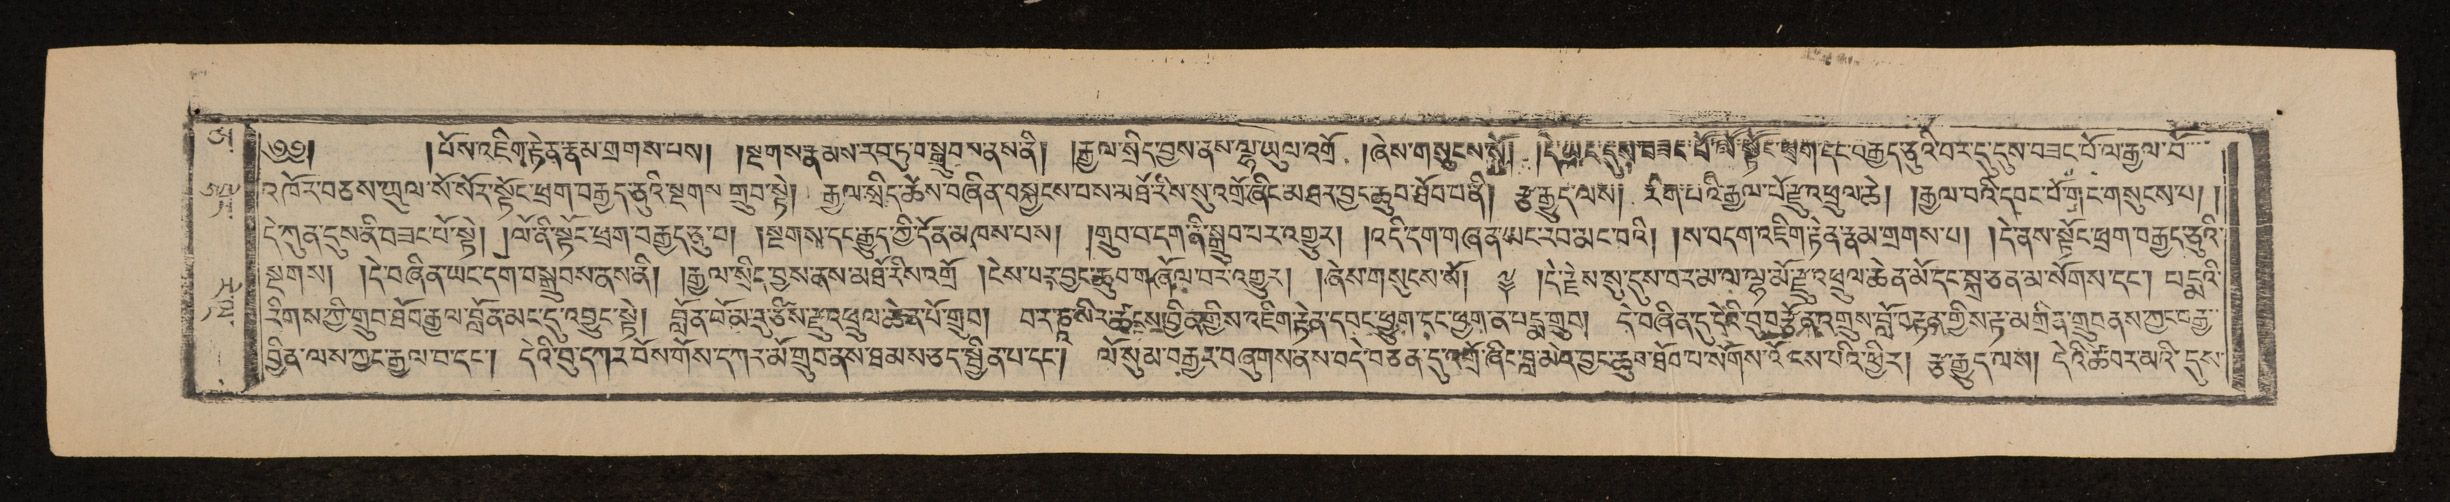༄༅། །པོས་འཇིག་རྟེན་རྣམ་གྲགས་པས། །སྔགས་རྣམས་རབ་ཏུ་བསྒྲུབས་ནས་ནི། །རྒྱལ་སྲིད་བྱས་ནས་ལྷ་ཡུལ་འགྲོ་།ཞེས་གསུངས་སོ། །དེ་ཡང་དུས་བཟང་པོ་ལོ་སྟོང་ཕྲག་དང་བརྒྱད་ཅུའི་བར་དུ་དུས་བཟང་པོ་ལ་རྒྱལ་པོ་
འཁོར་བཅས་ཡུལ་སོ་སོར་སྟོང་ཕྲག་བརྒྱད་ཅུའི་སྔགས་གྲུབ་སྟེ། རྒྱལ་སྲིད་ཆོས་བཞིན་བསྐྱངས་པས་མཐོ་རིས་སུ་འགྲོ་ཞིང་མཐར་བྱང་ཆུབ་ཐོབ་པ་ནི། རྩ་རྒྱུད་ལས། རིག་པའི་རྒྱལ་པོ་རྫུ་འཕྲུལ་ཆེ། །རྒྱལ་བའི་དབང་པོ་གང་གསུངས་པ། །
དེ་ཀུན་དུས་ནི་བཟང་པོ་སྟེ། །ལོ་ནི་སྟོང་ཕྲག་བརྒྱད་ཅུ་པ། །སྔགས་དང་རྒྱུད་ཀྱི་དོན་མཁས་པས། །གྲུབ་པ་དག་ནི་སྒྲུབ་པར་འགྱུར། །འདི་དག་གཞན་ཡང་རབ་མང་བའི། །ས་བདག་འཇིག་རྟེན་རྣམ་གྲགས་པ། །དེ་ནས་སྟོང་ཕྲག་བརྒྱད་ཅུའི་
སྔགས། །དེ་བཞིན་ཡང་དག་བསྒྲུབས་ནས་ནི། །རྒྱལ་སྲིད་བྱས་ནས་མཐོ་རིས་འགྲོ་།ངེས་པར་བྱང་ཆུབ་གཞོལ་བར་འགྱུར། །ཞེས་གསུངས་སོ། ༈ །དེ་རྗེས་སུ་དུས་བར་མ་ལ་ལྷ་མོ་རྫུ་འཕྲུལ་ཆེན་མོ་དང་སྐྲ་ཅན་མ་སོགས་དང་། པདམའི་
རིགས་ཀྱི་གྲུབ་ཐོབ་རྒྱལ་བློན་མང་དུ་འབྱུང་སྟེ། བློན་པོ་མ་རུ་ཙིས་རྫུ་འཕྲུལ་ཆེན་པོ་གྲུབ། བ་ར་ཎཱ་སིར་ཚངས་བྱིན་གྱིས་འཇིག་རྟེན་དབང་ཕྱུག་དང་ཕྱག་ན་པདམ་གྲུབ། དེ་བཞིན་དུ་དེའི་བུ་བརྩོན་འགྲུས་བློ་བརྟན་གྱིས་རྟ་མགྲིན་གྲུབ་ནས་ཀྱང་བརྒྱ་
བྱིན་ལས་ཀྱང་རྒྱལ་བ་དང་། དེའི་བུ་དཀར་པོས་གོས་དཀར་མོ་གྲུབ་ནས་ཐམས་ཅད་སྦྱིན་པ་དང་། ལོ་སུམ་བརྒྱར་བཞུགས་ནས་བདེ་བ་ཅན་དུ་འགྲོ་ཞིང་བླ་མེད་བྱང་ཆུབ་ཐོབ་པ་སོགས་འོངས་པའི་ཕྱིར། རྩ་རྒྱུད་ལས། དེའི་ཚེ་བར་མའི་དུས་